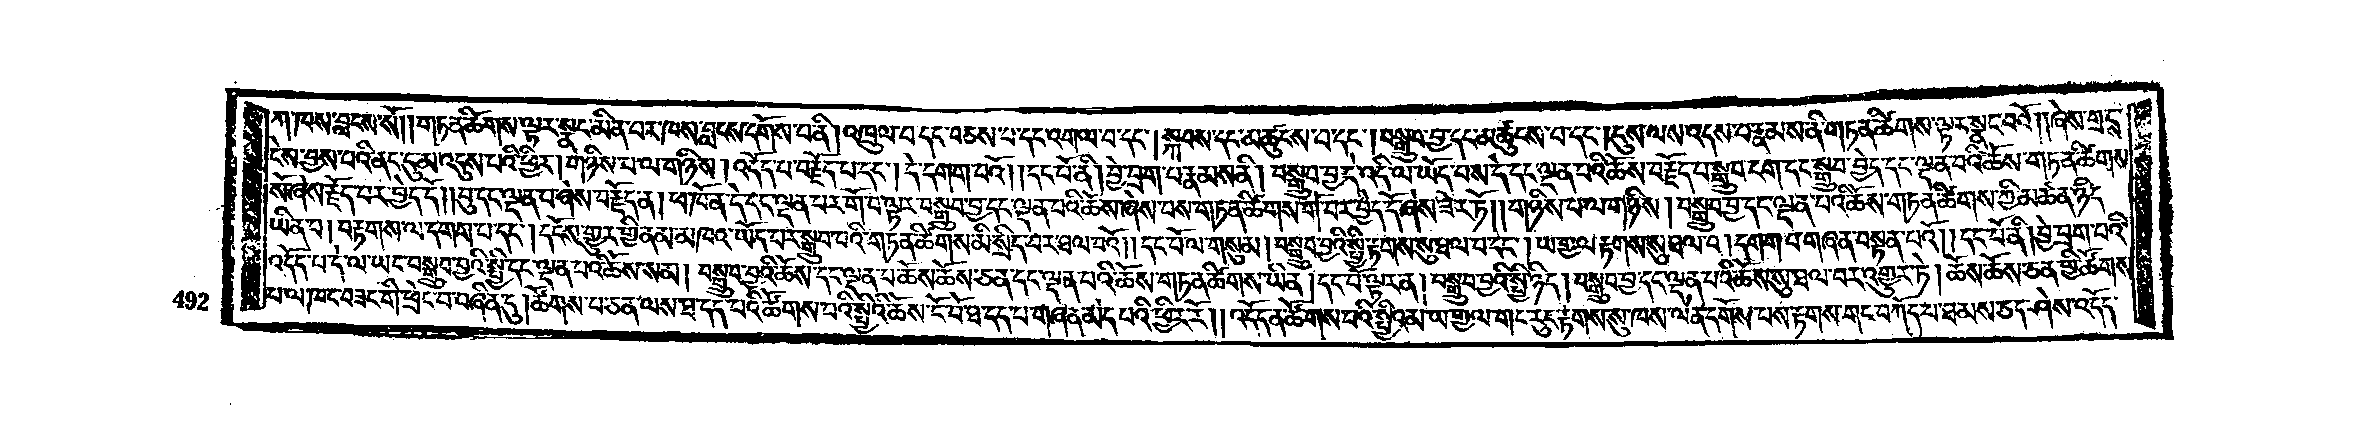ཀ་ཁས་བླངས་སོ། །གཏན་ཚིགས་ལྟར་སང་མིན་པར་ཁས་བླངས་དགོས་པ་ནི། འཁྲུལ་པ་དང་བཅས་པ་དང་འགལ་བ་དང་། སྐབས་དང་མཚུངས་པ་དང་། བསྒྲུབ་བྱ་དང་མཚུངས་པ་དང་། དུས་ལས་འདས་པ་རྣམས་ནི་གཏན་ཚིགས་ལྟར་སྣང་བའོ། །ཞེས་གྲངས་
ངེས་བྱས་པའི་ནང་དུ་མ་འདུས་པའི་ཕྱིར། གཉིས་པ་ལ་གཉིས། འདོད་པ་བརྗོད་པ་དང་། དེ་དགག་པའོ། །དང་པོ་ནི། བྱེ་བྲག་པ་རྣམས་ནི། བསྒྲུབ་བྱ་དེ་འདི་ལ་ཡོད་པས་དེ་དང་ལྡན་པའི་ཆོས་བརྗོད་བསྒྲུབ་ངག་དང་སྒྲུབ་བྱེད་དང་ལྡན་པའི་ཆོས་གཏན་ཚིགས་
སོ་ཞེས་རྗོད་པར་བྱེད་དོ། །བུ་དང་ལྡན་པ་ཞེས་བརྗོད་ན། ཕ་ཁོ་ན་དེ་དང་ལྡན་པར་གོ་བ་ལྟར་བསྒྲུབ་བྱ་དང་ལྡན་པའི་ཆོས་ཞེས་པས་གཏན་ཚིགས་གོ་བར་བྱེད་དོ་ཞེས་ཟེར་ཏོ། །གཉིས་པ་ལ་གཉིས། བསྒྲུབ་བྱ་དང་ལྡན་པའི་ཆོས་གཏན་ཚིགས་ཀྱི་མཚན་ཉིད་
ཡིན་པ། བརྟགས་ལ་དགག་པ་དང་། དངོས་གྱུར་གྱི་ནམ་མཁའ་ཡོད་པར་སྒྲུབ་པའི་གཏན་ཚིགས་མི་སྲིད་པར་ཐལ་བའོ། །དང་པོ་ལ་གསུམ། བསྒྲུབ་བྱའི་སྤྱི་རྟགས་སུ་ཐལ་བ་དང་། ཡ་གྱལ་རྟགས་སུ་ཐལ་བ། དགག་པ་གཞན་བསྟན་པའོ། །དང་པོ་ནི། བྱེ་བྲག་པའི་
འདོད་པ་དེ་ལ་ཡང་བསྒྲུབ་བྱའི་སྤྱི་དང་ལྡན་པའི་ཆོས་སམ། བསྒྲུབ་བྱའི་ཆོས་དང་ལྡན་པ་ཆོས་ཆོས་ཅན་དང་ལྡན་པའི་ཆོས་གཏན་ཚིགས་ཡིན། དང་པོ་ལྟར་ན། བསྒྲུབ་བྱའི་སྤྱི་ཉིད། བསྒྲུབ་བྱ་དང་ལྡན་པའི་སུ་ཐལ་བར་འགྱུར་ཏེ། ཆོས་ཆོས་ཅན་གྱི་ཚོགས་
པ་ལ་ཁང་བཟང་གི་ཕྲེང་བ་བཞིན་དུ། ཚོགས་པ་ཅན་ལས་ཐ་དད་པའི་ཚོགས་པའི་སྤྱིའི་ཆོས་ངོ་བོ་ཐ་དད་པ་གཞན་མེད་པའི་ཕྱིར་རོ། །འདོད་ན་ཚོགས་པའི་སྤྱིའམ་ཡ་གྱལ་གང་རུང་རྟགས་སུ་ཁས་ལེན་དགོས་པས་རྟགས་གང་བཀོད་པ་ཐམས་ཅད་ཤེས་འདོད་